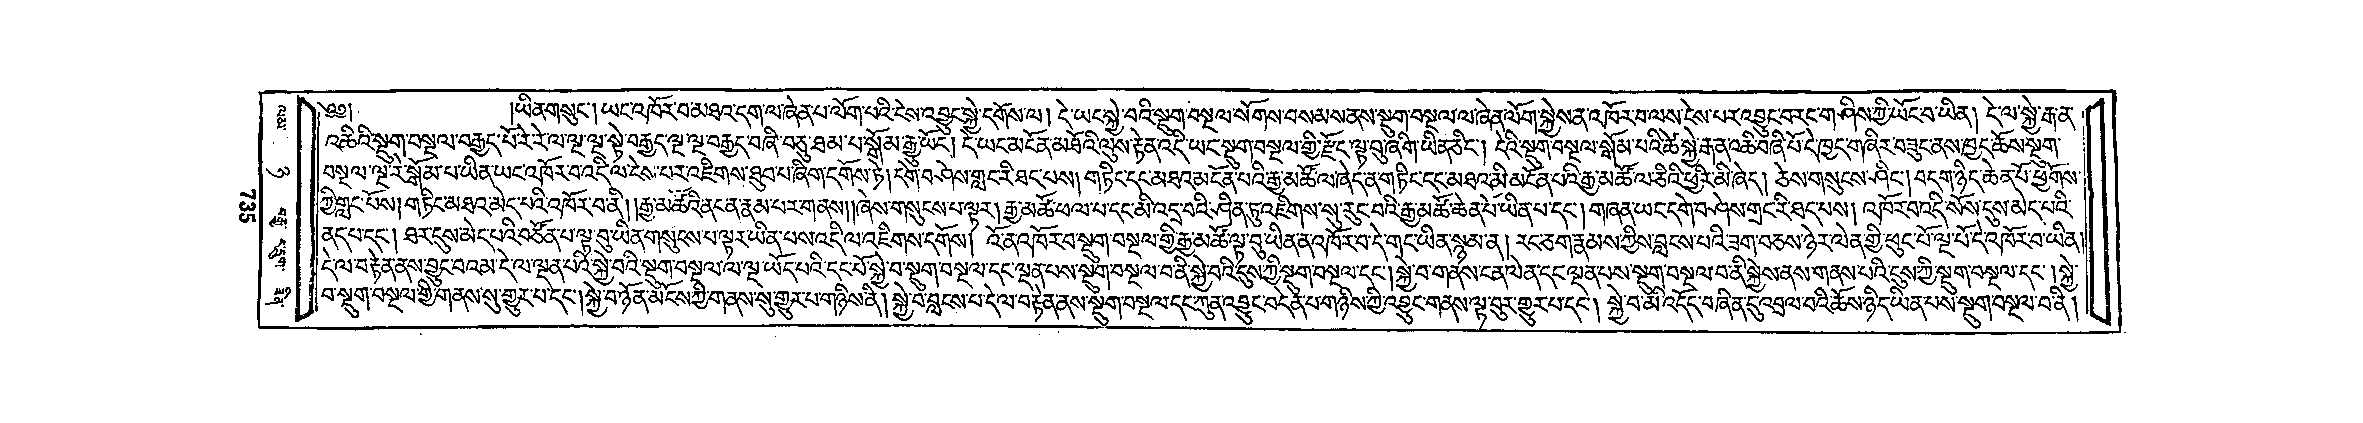༄༅། །ཡིན་གསུང་། ཡང་འཁོར་བ་མཐའ་དག་ལ་ཞེན་པ་ལོག་པའི་ངེས་འབྱུང་སྐྱེ་དགོས་ལ། དེ་ཡང་སྐྱེ་བའི་སྡུག་བསྔལ་སོགས་བསམས་ནས་སྡུག་བསྔལ་ལ་ཞེན་ལོག་སྐྱེས་ན་འཁོར་བ་ལས་ངེས་པར་འབྱུང་བ་རང་གཤིས་ཀྱི་ཡོང་བ་ཡིན། དེ་ལ་སྐྱེ་རྒ་ན་
འཆིའི་སྡུག་བསྔལ་བརྒྱད་པོ་རེ་རེ་ལ་ལྔ་ལྔ་སྟེ་བརྒྱད་ལྔ་ལྔ་བརྒྱད་བཞི་བཅུ་ཐམ་པ་སྒོམ་རྒྱུ་ཡོད། དེ་ཡང་མངོན་མཐོའི་ལུས་རྟེན་འདི་ཡང་སྡུག་བསྔལ་གྱི་རྫོང་ལྟ་བུ་ཞིག་ཡིན་ཅིང་། དེའི་སྡུག་བསྔལ་སྒོམ་པའི་ཚེ་སྐྱེ་རྒ་ན་འཆི་བཞི་པོ་དེ་ཁྱད་གཞིར་བཟུང་ནས་ཁྱད་ཆོས་སྡུག་
བསྔལ་ལྔ་རེ་སྒོམ་པ་ཡིན་ཡང་འཁོར་བ་འདི་ལ་ངེས་པར་འཇིགས་ཐུབ་པ་ཞིག་དགོས་ཏེ། དགེ་བཤེས་གླང་རི་ཐད་པས། གཏིང་དང་མཐའ་མངོན་པའི་རྒྱ་མཚོ་ལ་ཞེད་ན་གཏིང་དང་མཐའ་མི་མངོན་པའི་རྒྱ་མཚོ་ལ་ཅིའི་ཕྱིར་མི་ཞེད། ཅེས་གསུངས་ཤིང་། བདག་ཉིད་ཆེན་པོ་ཕྱོགས་
ཀྱི་གླང་པོས། གཏིང་མཐའ་མེད་པའི་འཁོར་བ་ནི། །རྒྱ་མཚོའི་ནང་ན་རྣམ་པར་གནས། །ཞེས་གསུངས་པ་ལྟར། རྒྱ་མཚོ་ཕལ་པ་དང་མི་འདྲ་བའི་ཤིན་ཏུ་འཇིགས་སུ་རུང་བའི་རྒྱ་མཚོ་ཆེན་པོ་ཡིན་པ་དང་། གཞན་ཡང་དགེ་བཤེས་གྲང་རི་ཐད་པས། འཁོར་བ་འདི་སོས་དུས་མེད་པའི་
ནད་པ་དང་། ཐར་དུས་མེད་པའི་བཙོན་པ་ལྟ་བུ་ཡིན་གསུངས་པ་ལྟར་ཡིན་པས་འདི་ལ་འཇིགས་དགོས། འོ་ན་འཁོར་བ་སྡུག་བསྔལ་གྱི་རྒྱ་མཚོ་ལྟ་བུ་ཡིན་ན་འཁོར་བ་དེ་གང་ཡིན་སྙམ་ན། རང་ཅག་རྣམས་ཀྱིས་བླངས་པའི་ཟག་བཅས་ཉེར་ལེན་གྱི་ཕུང་པོ་ལྔ་པོ་དེ་འཁོར་བ་ཡིན།
དེ་ལ་བརྟེན་ནས་བྱུང་བའམ་དེ་ལ་ལྡན་པའི་སྐྱེ་བའི་སྡུག་བསྔལ་ལ་ལྔ་ཡོད་པའི་དང་པོ་སྐྱེ་བ་སྡུག་བསྔལ་དང་ལྡན་པས་སྡུག་བསྔལ་བ་ནི་སྐྱེ་བའི་དུས་ཀྱི་སྡུག་བསྔལ་དང་། སྐྱེ་བ་གནས་ངན་ལེན་དང་ལྡན་པས་སྡུག་བསྔལ་བ་ནི་སྐྱེས་ནས་གནས་པའི་དུས་ཀྱི་སྡུག་བསྔལ་དང་། སྐྱེ་
བ་སྡུག་བསྔལ་གྱི་གནས་སུ་གྱུར་པ་དང་། སྐྱེ་བ་ཉོན་མོངས་ཀྱི་གནས་སུ་གྱུར་པ་གཉིས་ནི། སྐྱེ་བ་བླངས་པ་དེ་ལ་བརྟེན་ནས་སྡུག་བསྔལ་དང་ཀུན་འབྱུང་བདེན་པ་གཉིས་ཀྱི་འབྱུང་གནས་ལྟ་བུར་གྱུར་པ་དང་། སྐྱེ་བ་མི་འདོད་བཞིན་དུ་འབྲལ་བའི་ཆོས་ཉིད་ཡིན་པས་སྡུག་བསྔལ་བ་ནི།